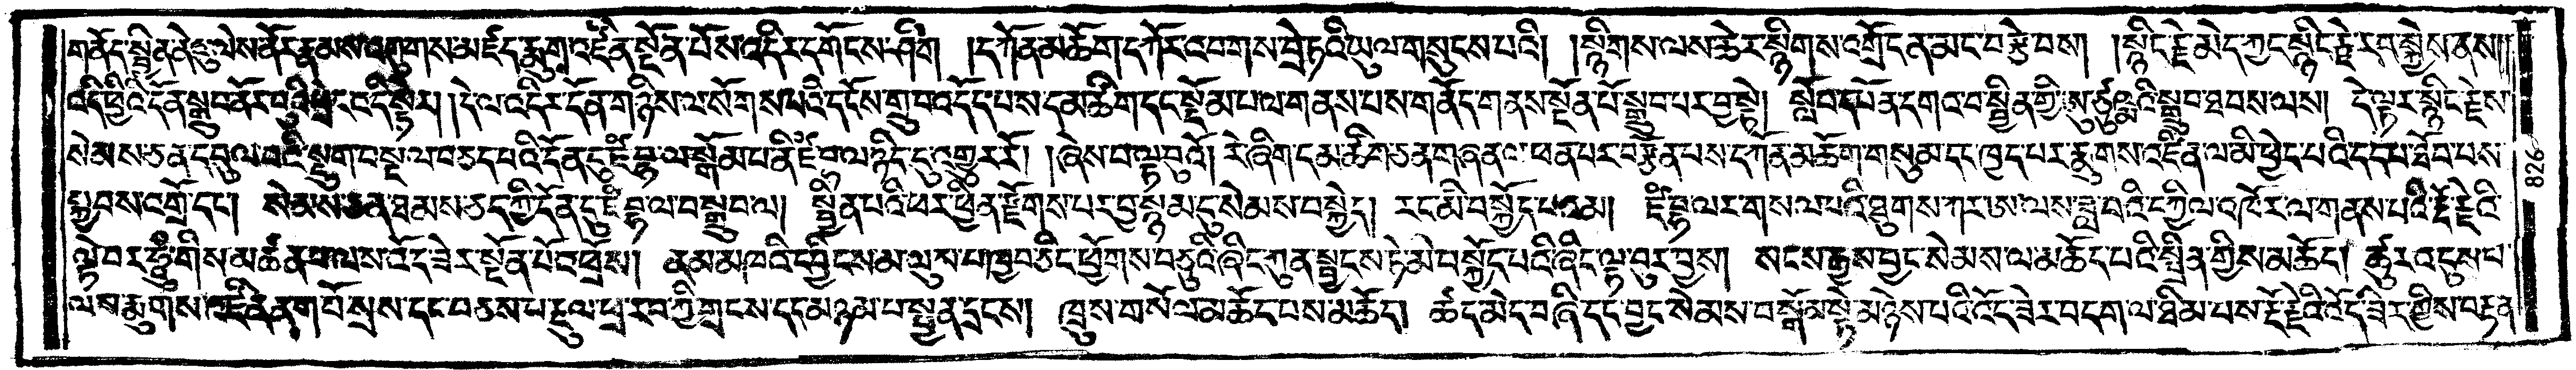གྲྣོད་སྦྱིན་ནེའུ་ལེས་ནོར་རྣམས་འགུགས་མཛད་རྨུགས་འཛིན་སྔོན་པོས་འདིར་དགོངས་ཤིག །དཀོན་མཆོག་དཀོར་འཕགས་བྲེ་ཏའི་ཡུལ་གསུངས་པའི། །སྙིགས་ལས་ཆེར་སྙིགས་འགྲོད་ན་མང་བརྩེ་བས། །སྙིང་རྗེ་མེད་ཀྱང་སྙིང་རྗེ་མེད་ཀྱང་སྙིང་རྗེ་རབ་བསྐྱེས་ནས།།
འདི་ཕྱིའི་དོན་སྒྲུབ་ནོར་བུའི་ཕྲེང་འདི་སྟེར། །དེ་ལ་འདིར་དོན་གཉིས་ལ་སོགས་པའི་དངོས་གྲུབ་འདོད་པས་དམ་ཚིག་དང་སྡོམ་པ་ལ་གནས་པས་གནོད་གནས་སྔོན་པོ་སྒྲུབ་པར་བྱ་སྟེ། སློབ་དཔོན་དགའ་བ་སྦྱིན་གྱི་ཨུ་ཙུཥྨའི་སྒྲུབ་ཐབས་ལས། དེ་ལྟར་སྙིང་རྗེས་
སེམས་ཅན་དབུལ་བའི་སྡུག་བསྔལ་བཅད་པའི་དོན་དུ་ཛཾ་བྷ་ལ་སྒོམ་པ་ནི་ཛཾ་བྷ་ལ་ཉིད་དུ་འགྱུར་རོ། །ཞེས་པ་ལྟ་བུའོ། རེ་ཞིག་དམ་ཚིག་ཅན་གཞན་ལ་ཕན་པར་བརྩོན་པས་དཀོན་མཆོག་གསུམ་དང་ཁྱད་པར་རྨུགས་འཛིན་ལ་མི་ཕྱེད་པའི་དང་པ་ཐོབ་པས་
སྐྱབས་འགྲོ་དང་། སེམས་ཅན་ཐམས་ཅད་ཀྱི་དོན་དུ་ཛཾ་བྷ་ལ་བསྒྲུབ་ལ། སྤྱིན་པའི་ཕར་ཕྱིན་རྫོགས་པར་བྱ་སྙམ་དུ་སེམས་བསྐྱེད། རང་མི་བསྐྱོད་པའམ། ཛཾ་བྷ་ལར་གསལ་བའི་ཐུགས་ཀར་ཨ་ལས་ཟླ་བའི་དཀྱིལ་འཁོར་ལ་གནས་པའི་རྡོ་རྗེའི་
ལྟེ་བར་ཧཱུཾ་གིས་མཚན་པ་ལས་འོད་ཟེར་སྔོན་པོ་འཕྲོས། ནམ་མཁའི་དབྱིངས་མ་ལུས་པ་ཁྱབ་ཅིང་ཕྱོགས་བཅུའི་ཞིང་ཀུན་སྦྱངས་ཏེ་མི་བསྐྱོད་པའི་ཞིང་ལྟ་བུར་བྱས། སངས་རྒྱས་བྱང་སེམས་ལས་མཆོད་པའི་སྤྲིན་གྱིས་མཆོག། ཚུར་འདུས་པ་
ལས་རྨུགས་འཛིན་ནག་པོ་སྲས་དང་བཅས་པ་རྡུལ་ཕྲ་རབ་ཀྱི་གྲངས་དང་མཉམ་པ་སྤྱན་དྲངས། ཁྲུས་གསོལ་མཆོད་པས་མཆོད། ཚད་མེད་བཞི་དང་བྱང་སེམས་བསྒོམ་སྟེ་མཉེས་པའི་འོད་ཟེར་བདག་ལ་ཐིམ་པས་རྡོ་རྗེའི་འོད་ཟེར་གྱིས་བརྟན་